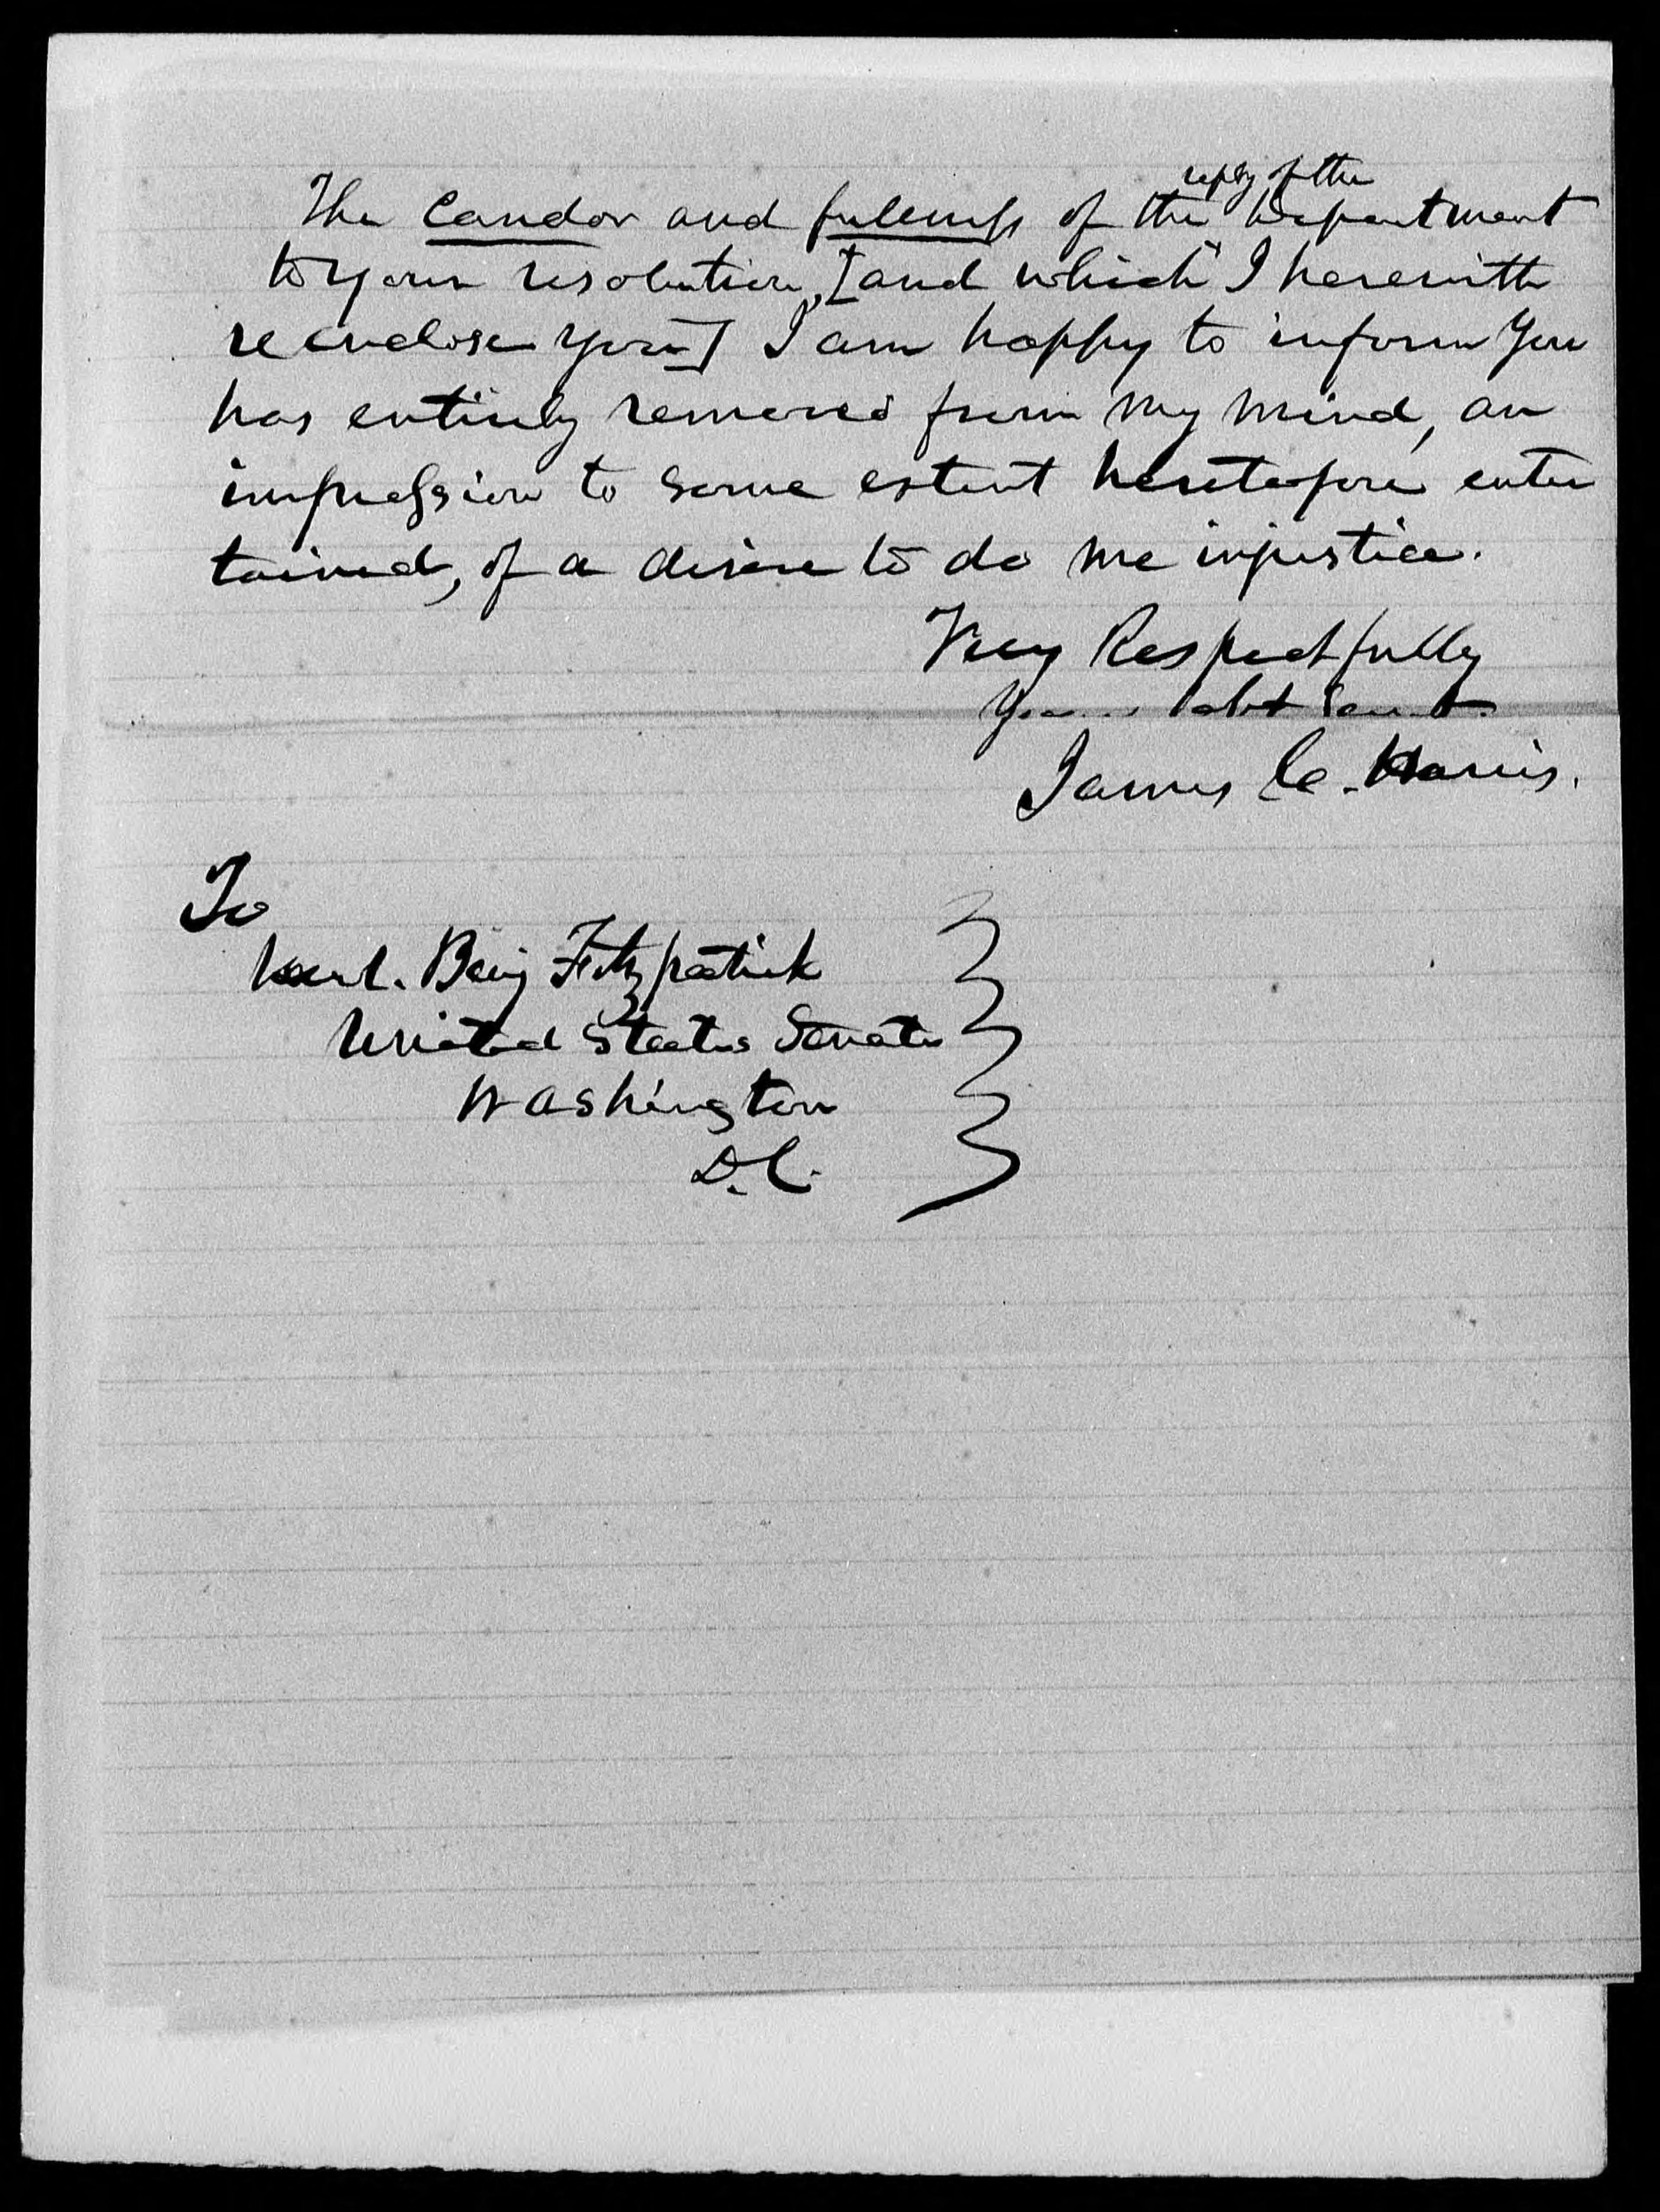The candor and fullness of the reply of the Department to your resolution (and which I herewith reenclose you) I am happy to inform you has entirely removed from my mind an impression to some extent heretofore entertained, of a desire to do me injustice.
          Very Respectfully
            Your obt servnt
               James C. Harris

To
   Honl Benj Fitzpatrick  }
   United States Senate  }
      Washington             }
               D.C.                 }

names: Benj Fitzpatrik, James C Harris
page: 30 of 160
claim: rejected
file: R. 4666, James Harris, Va.